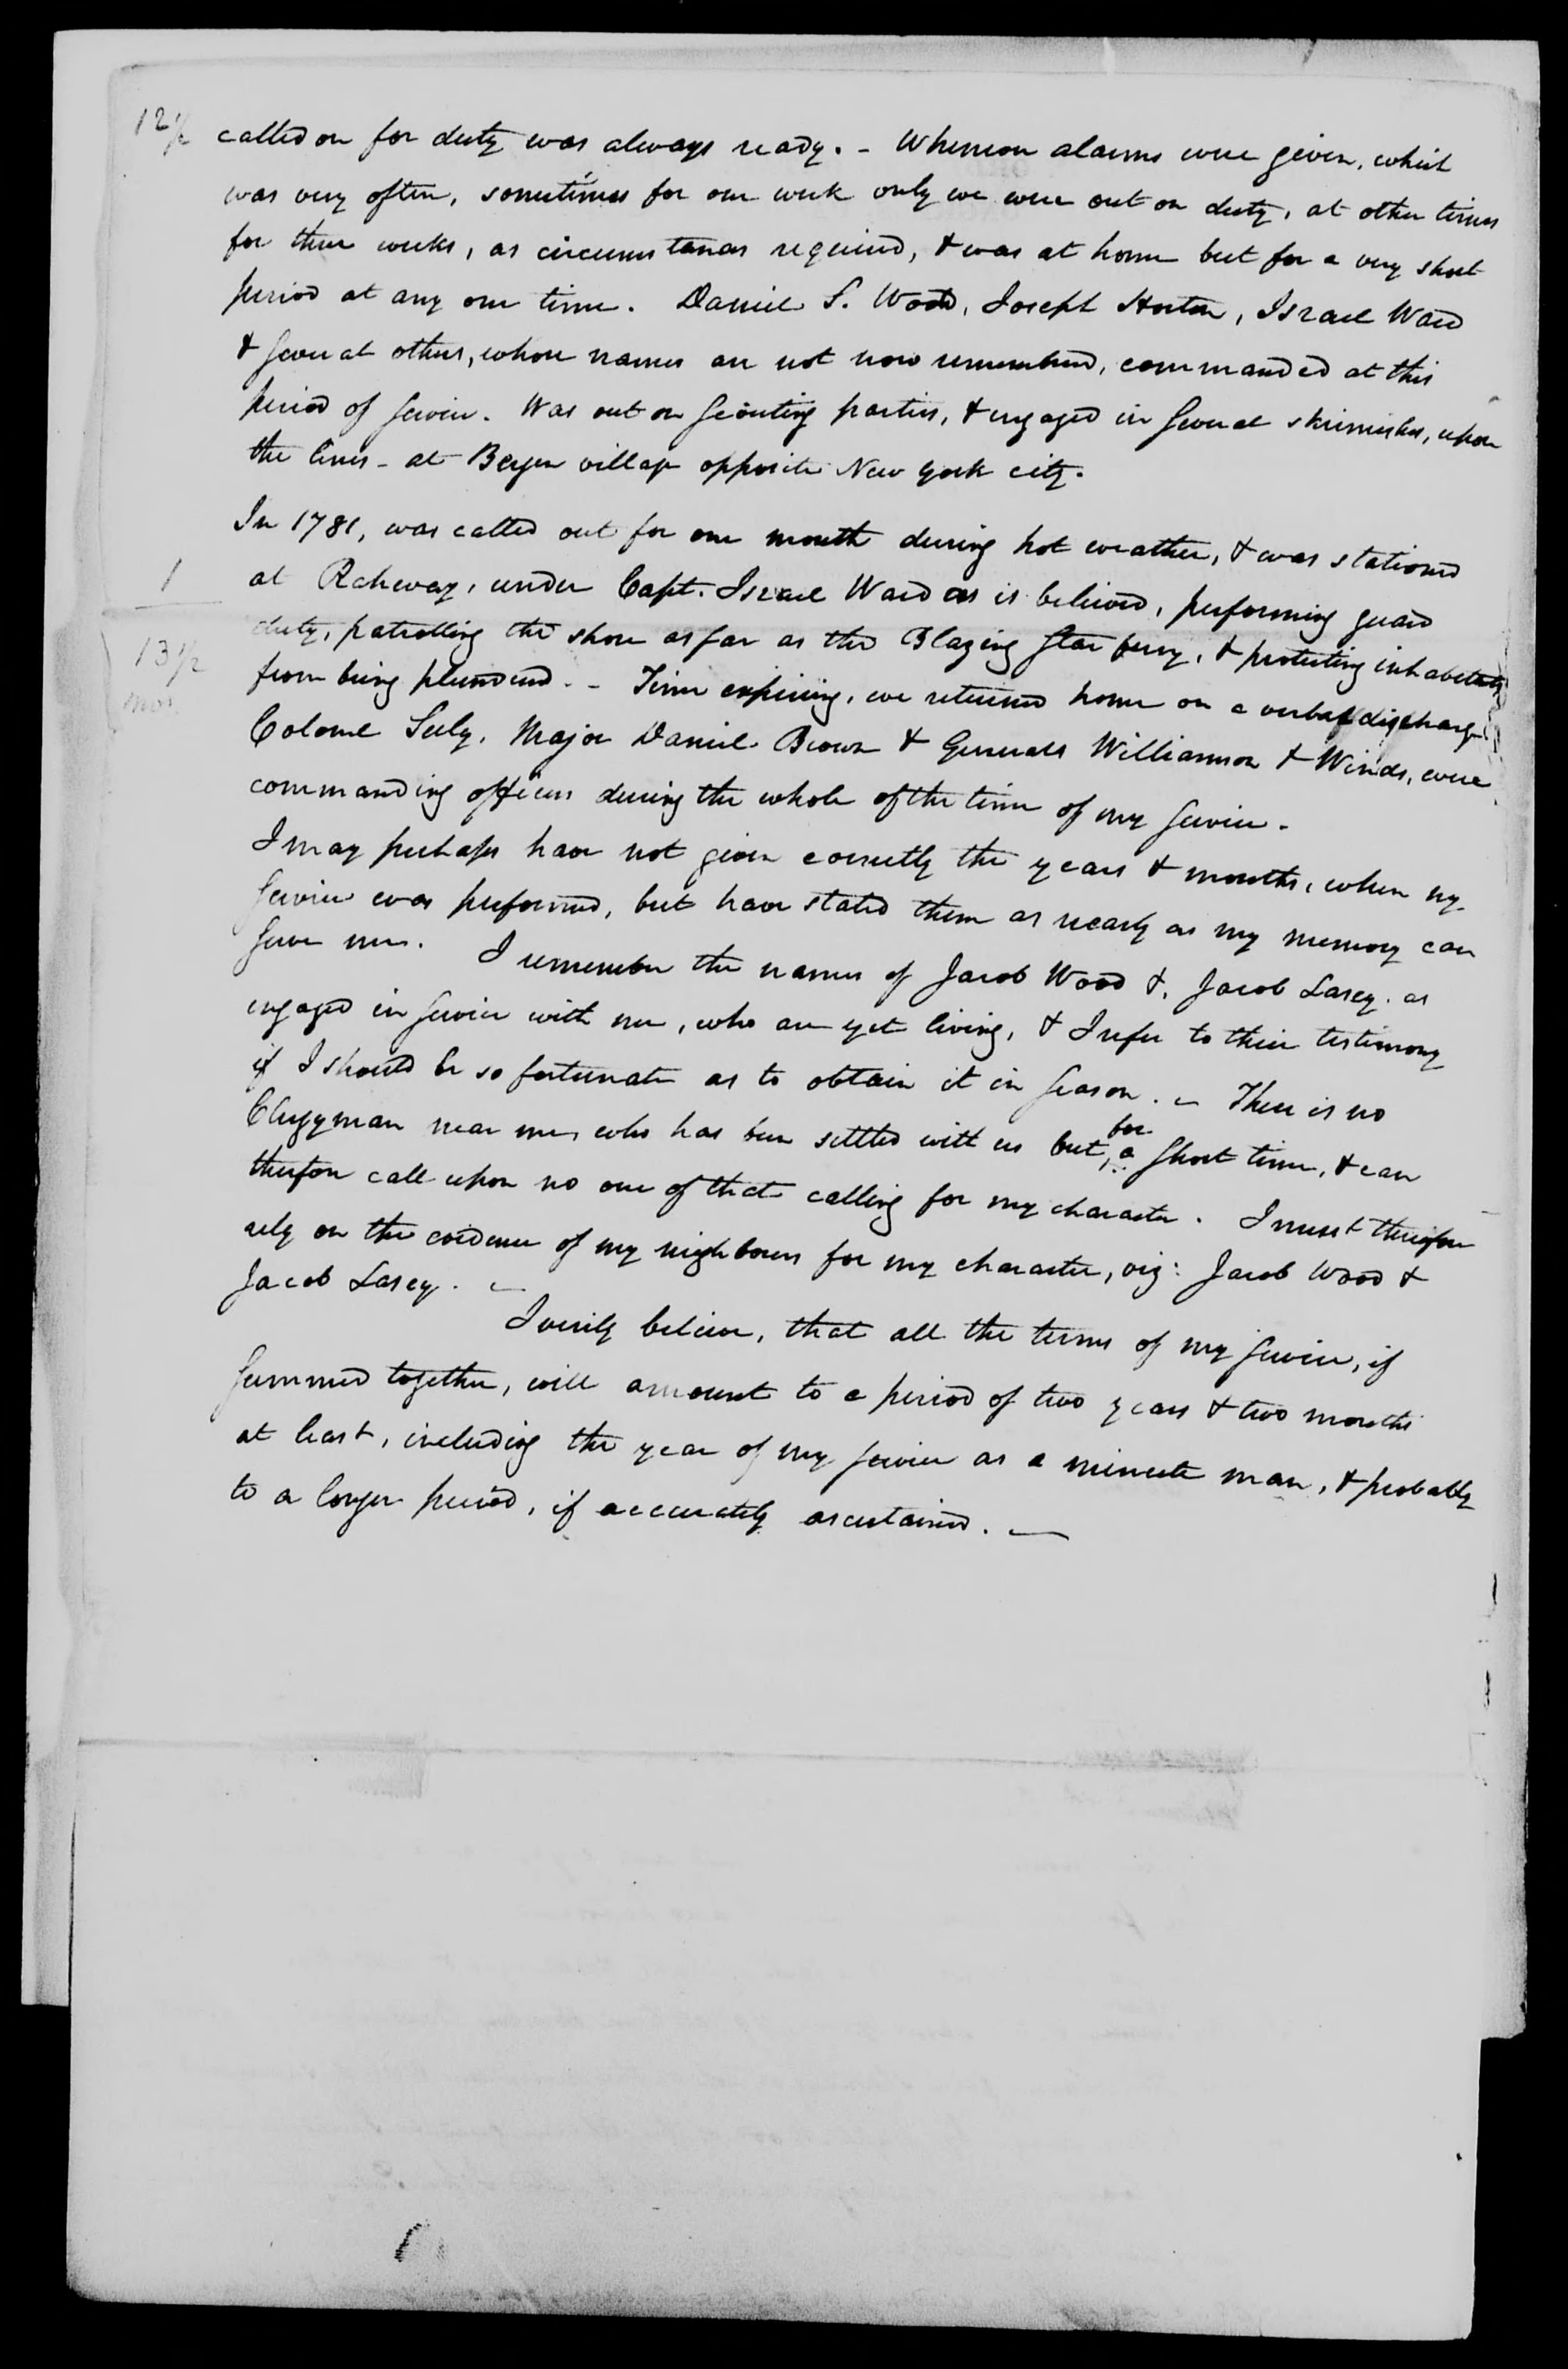called on for duty was always ready. Whenever alarms were given, which was very often, sometimes for one week only we were on duty, at other times for three weeks, as circumstances required, & was at home but for a very short period at any time. Daniel S. Wood, Joseph Horton, Israel Ward & Several others, whose names are not now remembered, commanded at this period of Service. Was out on Scouting parties, & engaged in Several skirmishes, upon the lines - at Bergen village opposite New York City.
In 1781, was called out for one month during hot weather, & was stationed at Rahway, under Capt. Israel Ward as is believed, performing guard duty, patrolling the shore as far as the Blazing Star ferry, & protecting inhabitants from being plundered. Time expiring, we returned home on a verbal discharge. Colonel Seely, Major Daniel Brown & Generals Williamson & Winds, were commanding officers during the whole of the time of my Service.
I may perhaps have not given correctly the years & months, when my Service was performed, but have stated them as nearly as my memory can Serve me. I remember the names of Jacob Wood & Jacob Lasey as engaged in Service with me, who are yet living, & I refer to their testimony if I should be so fortunate as to obtain it in Season. There is no Clergyman near me, who has been settled with us but for a Short time, & can therefore call upon no one of that calling for my character. I must therefore rely on the evidence of my neighbours for my character, viz: Jacob Wood & Jacob Lasey.
I verily believe, that all the terms of my Service, if Summed together, will amount to a period of two years & two months at least, including the year of my Service as a minute man, & probably to a longer period, if accurately ascertained.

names: Daniel Brown, Jacob Wood, Joseph Horton, Daniel L Woods, Israel Ward, Williamson, Jacob Lasey, Winds, Jacob Lasey, Seely, Jacob Wood, Israel Ward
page: 5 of 31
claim: survivor's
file: S. 2372, Stephen Bedford, New Jersey